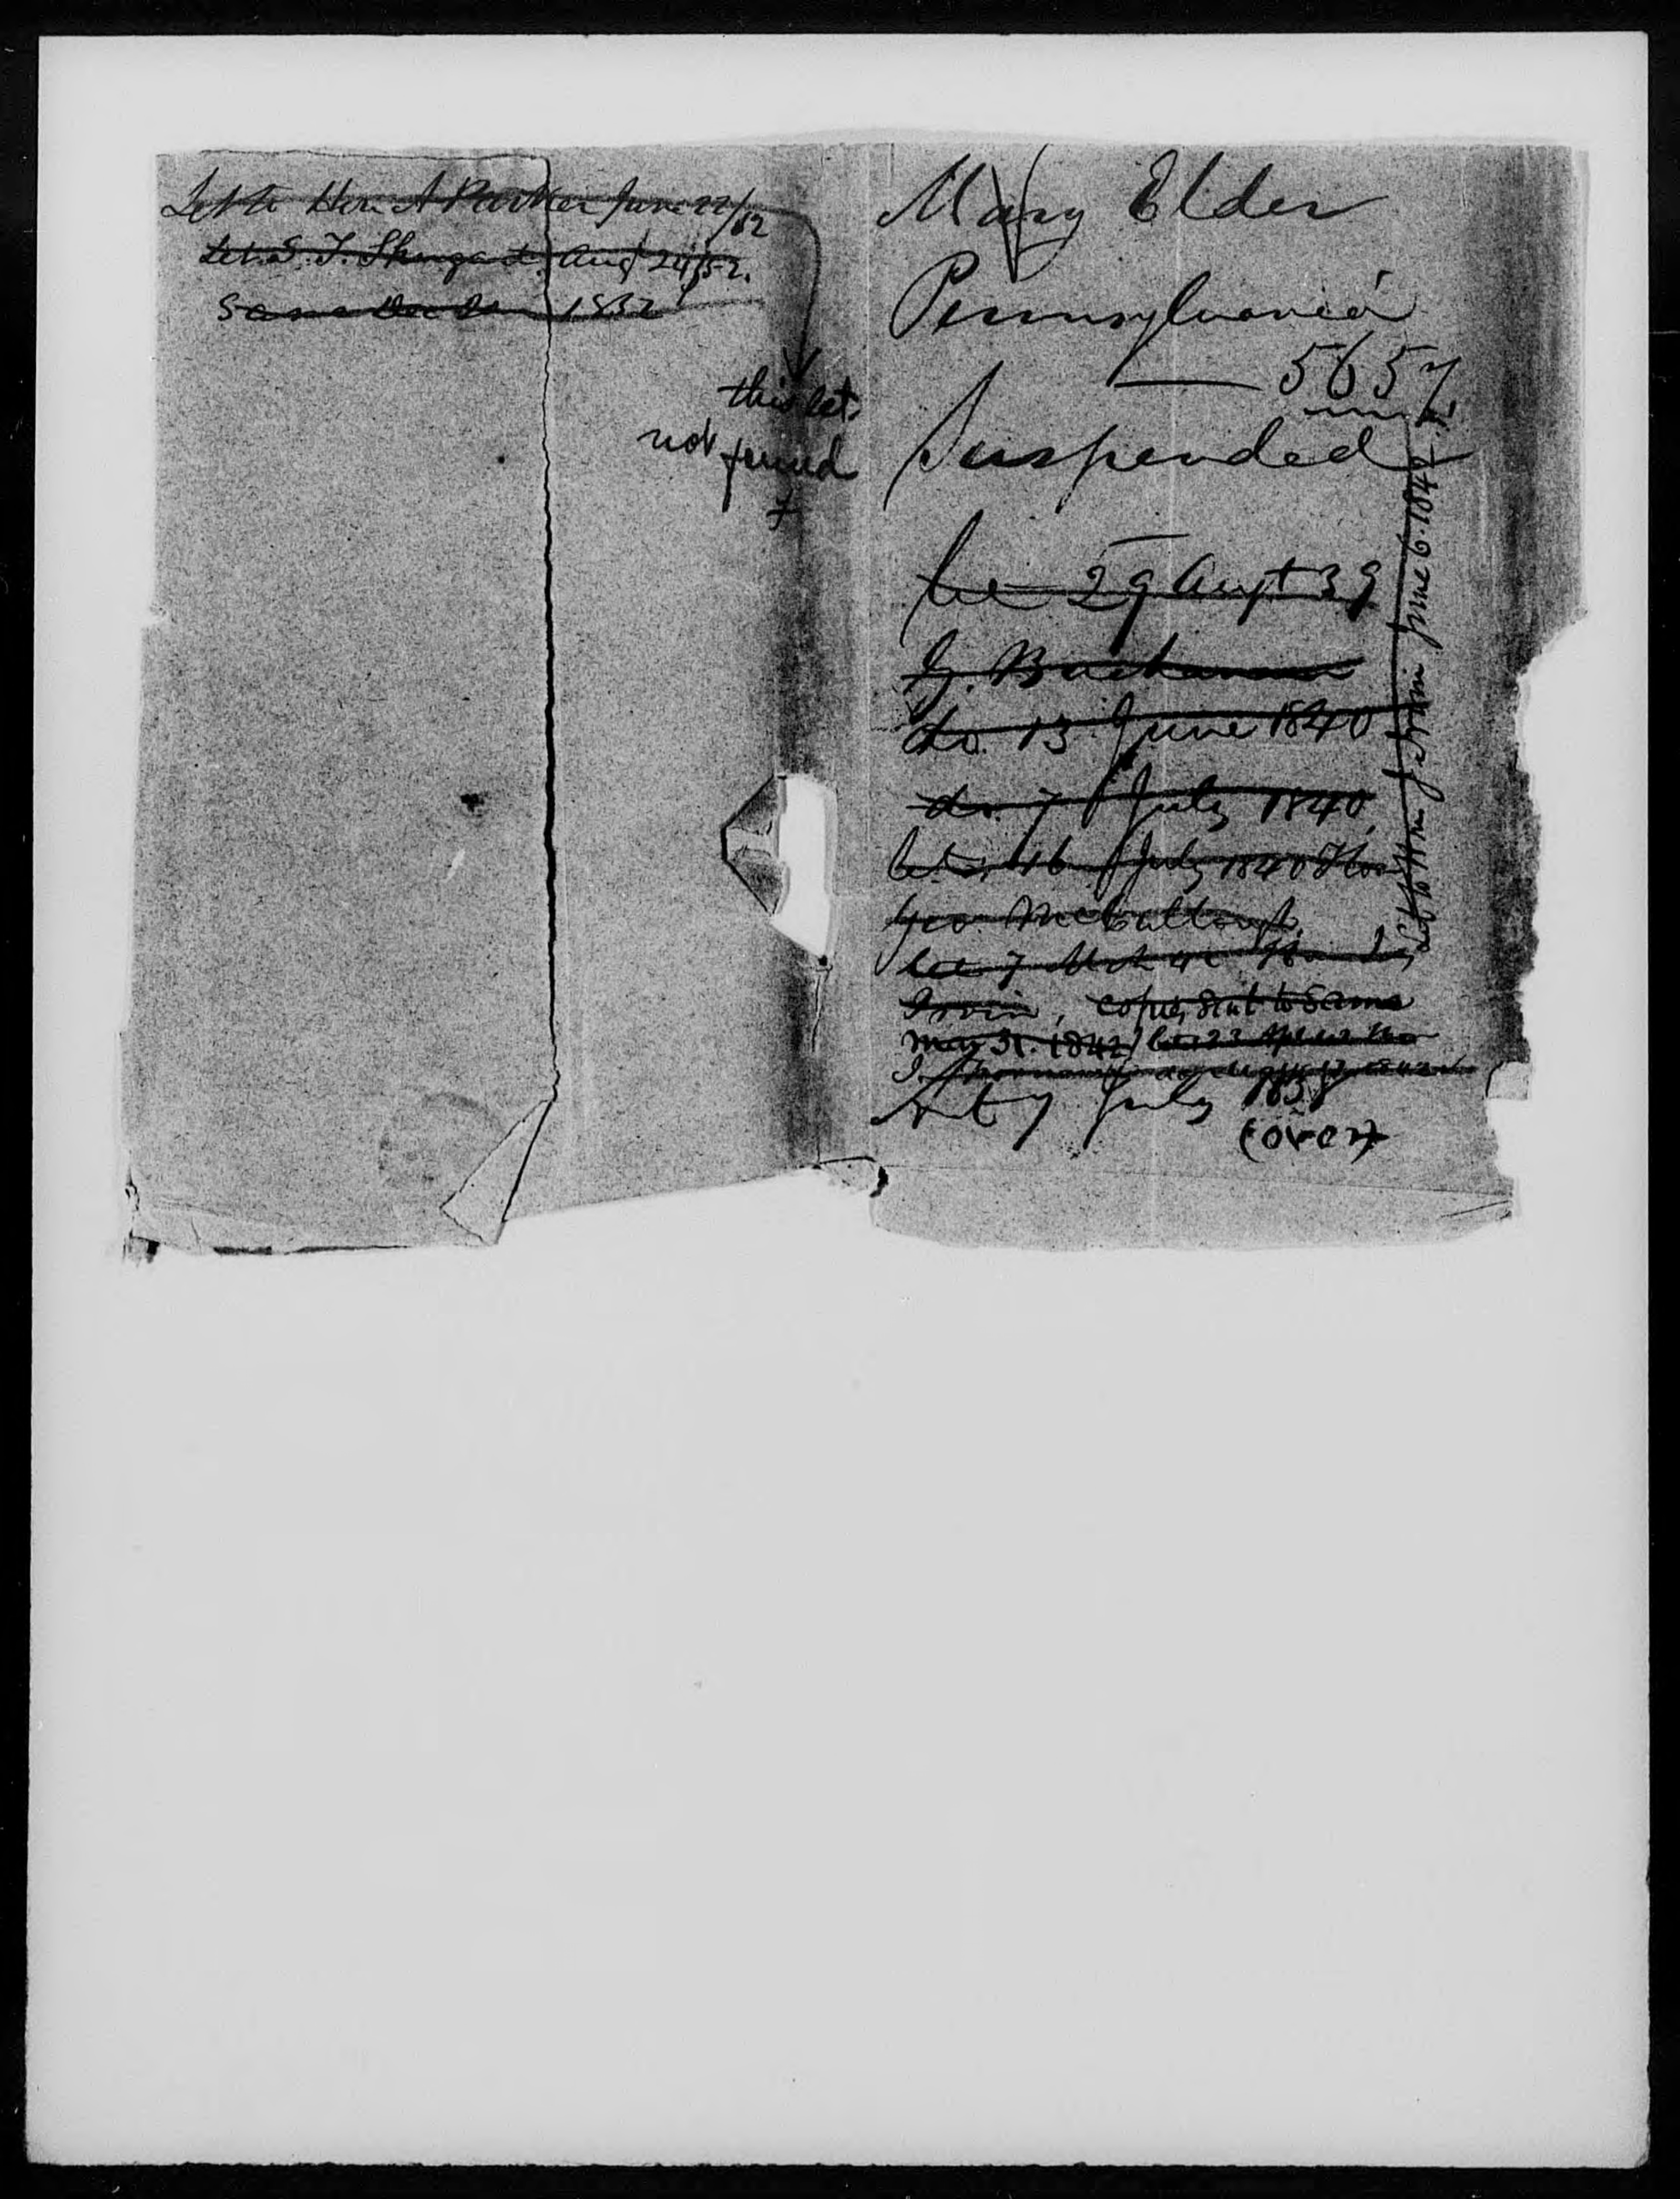Mary Elder 
Pennsylvania 
5657
Suspended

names: J Irvine, Geo Mc Cullough, S T Shugart, Mary Elder, Jas Irvin, G Buchanan, A Parker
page: 53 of 80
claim: widow's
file: W. 24117, John Elder, Penn.